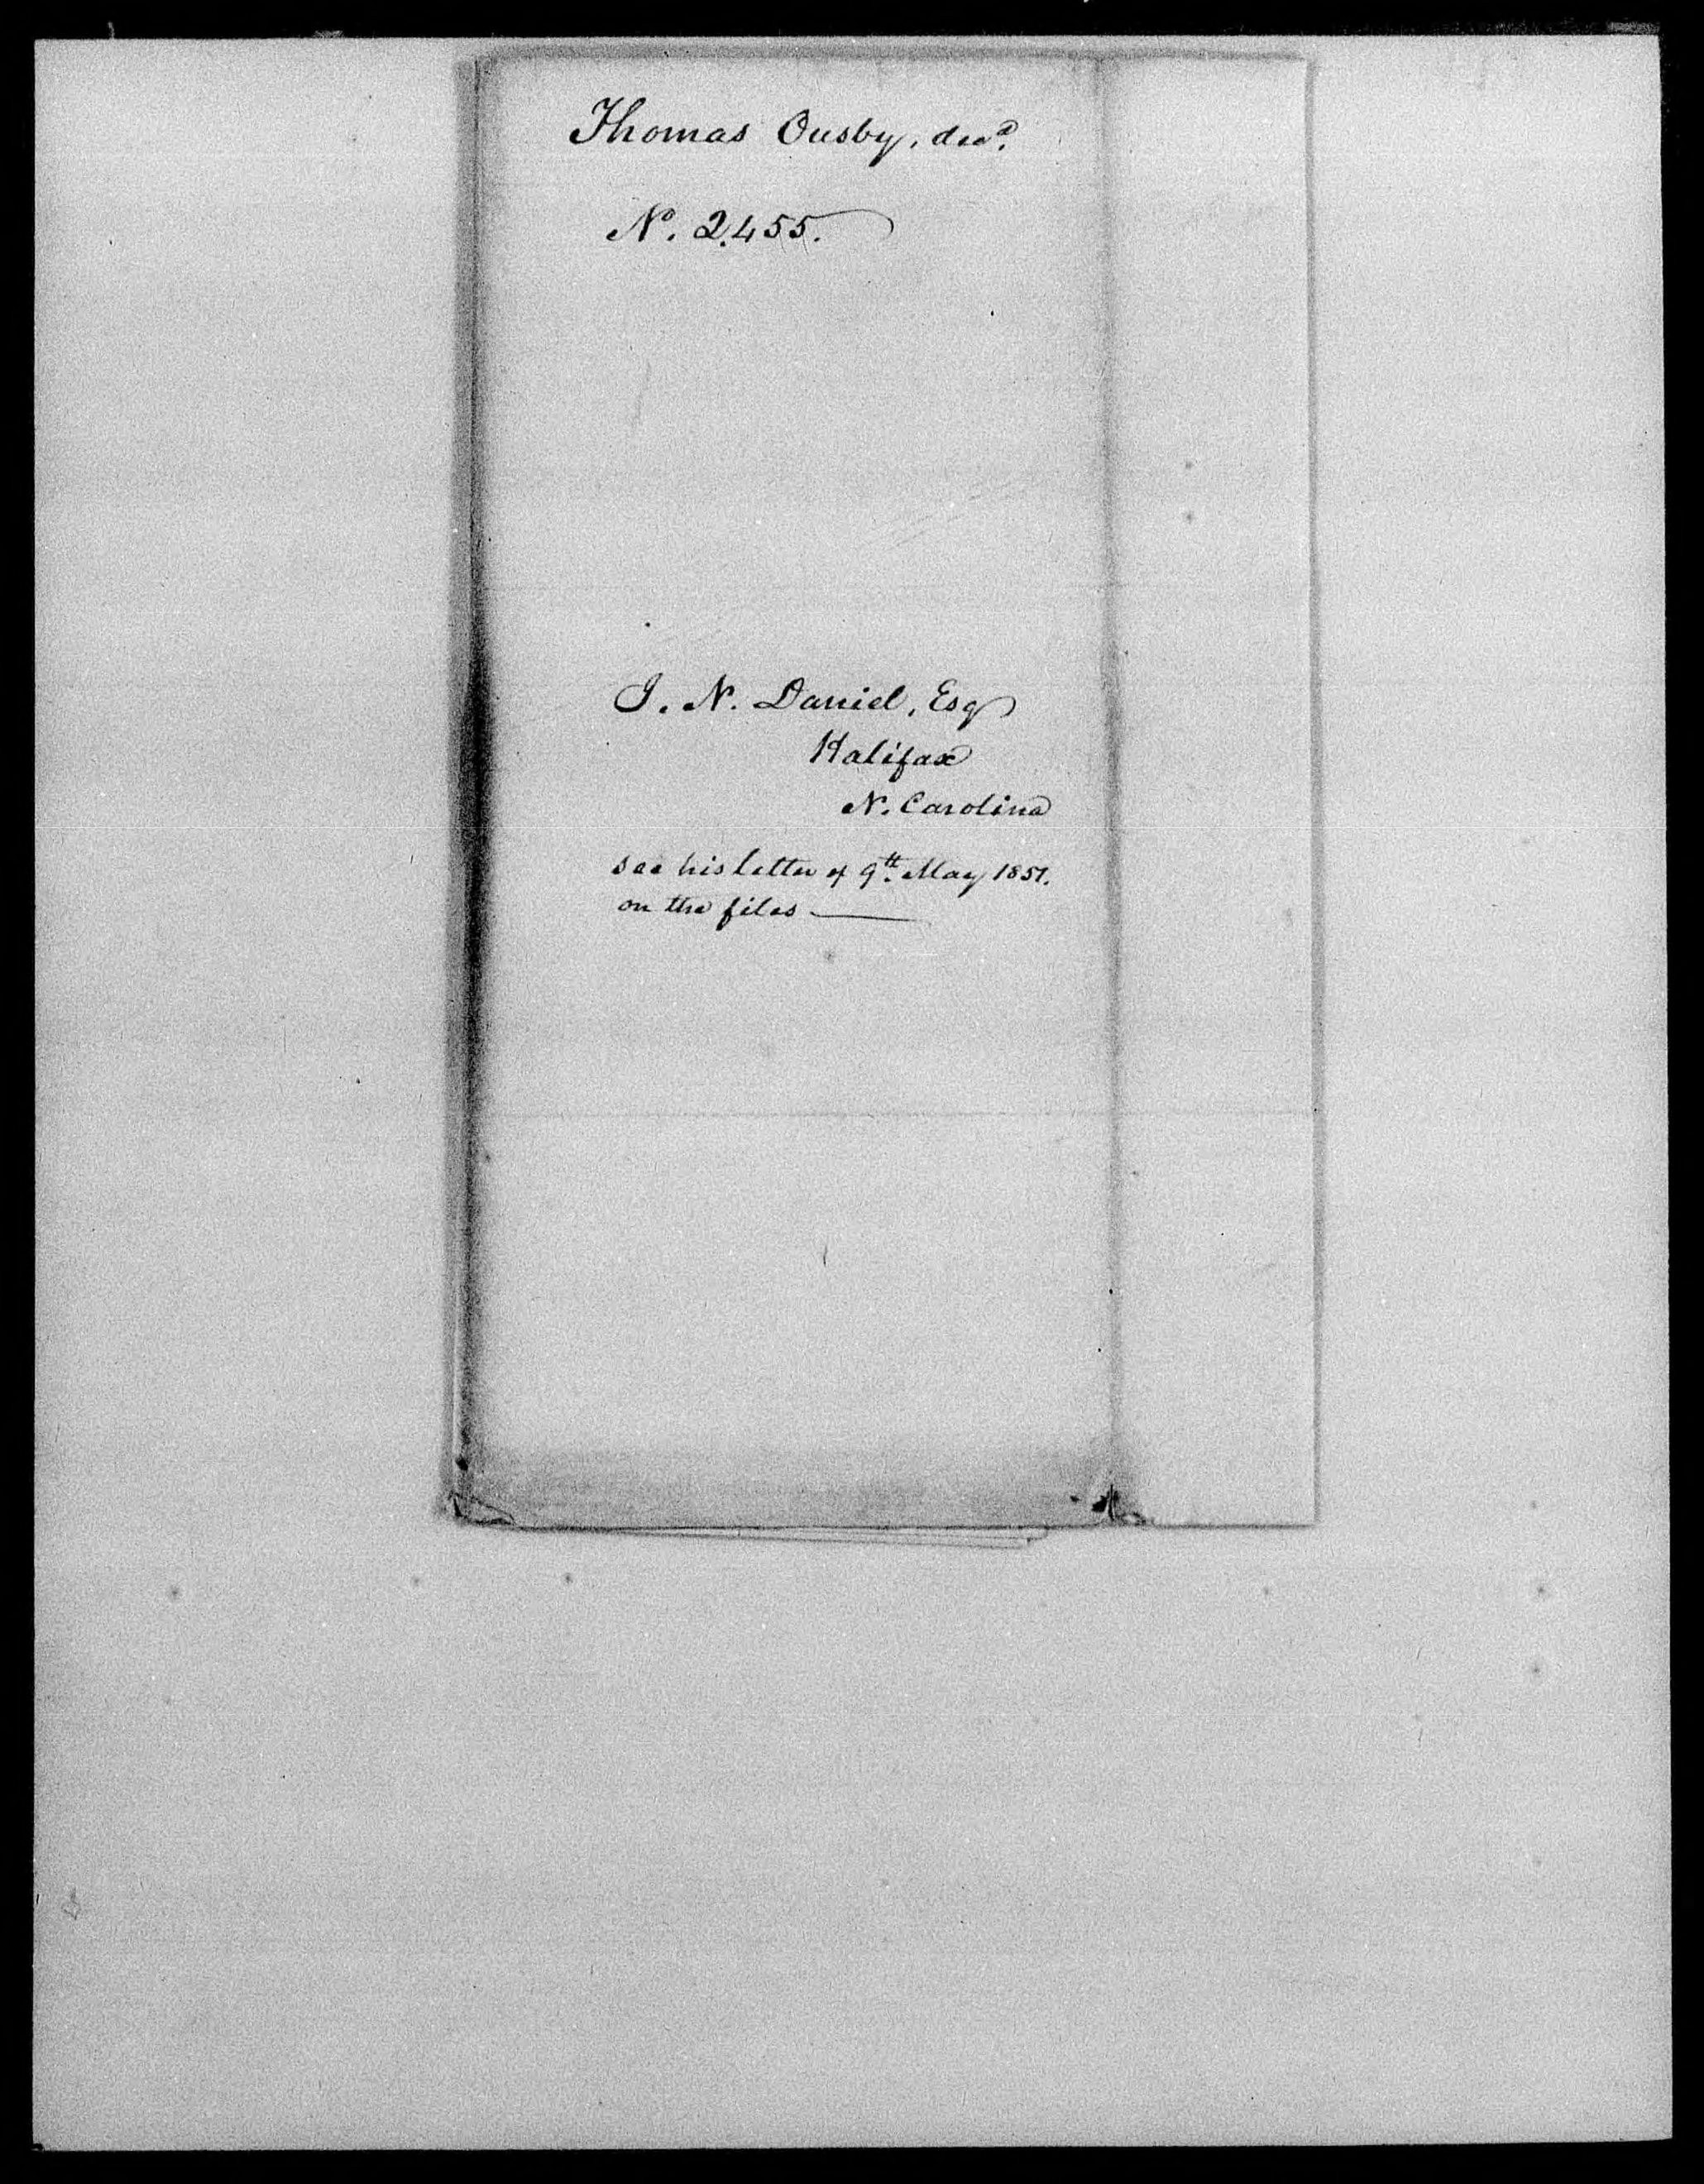Thomas Ousby, dea?

No. 2455.




J. N. Daniel, Esq
Halifax
N. Carolina
see his letter of 9th. May 1851
on the files ________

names: J N Daniel; Thomas Ousby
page: 7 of 13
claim: bounty land warrant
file: B. L. Wt. 2455-200, for Thomas Ousby, South Carolina